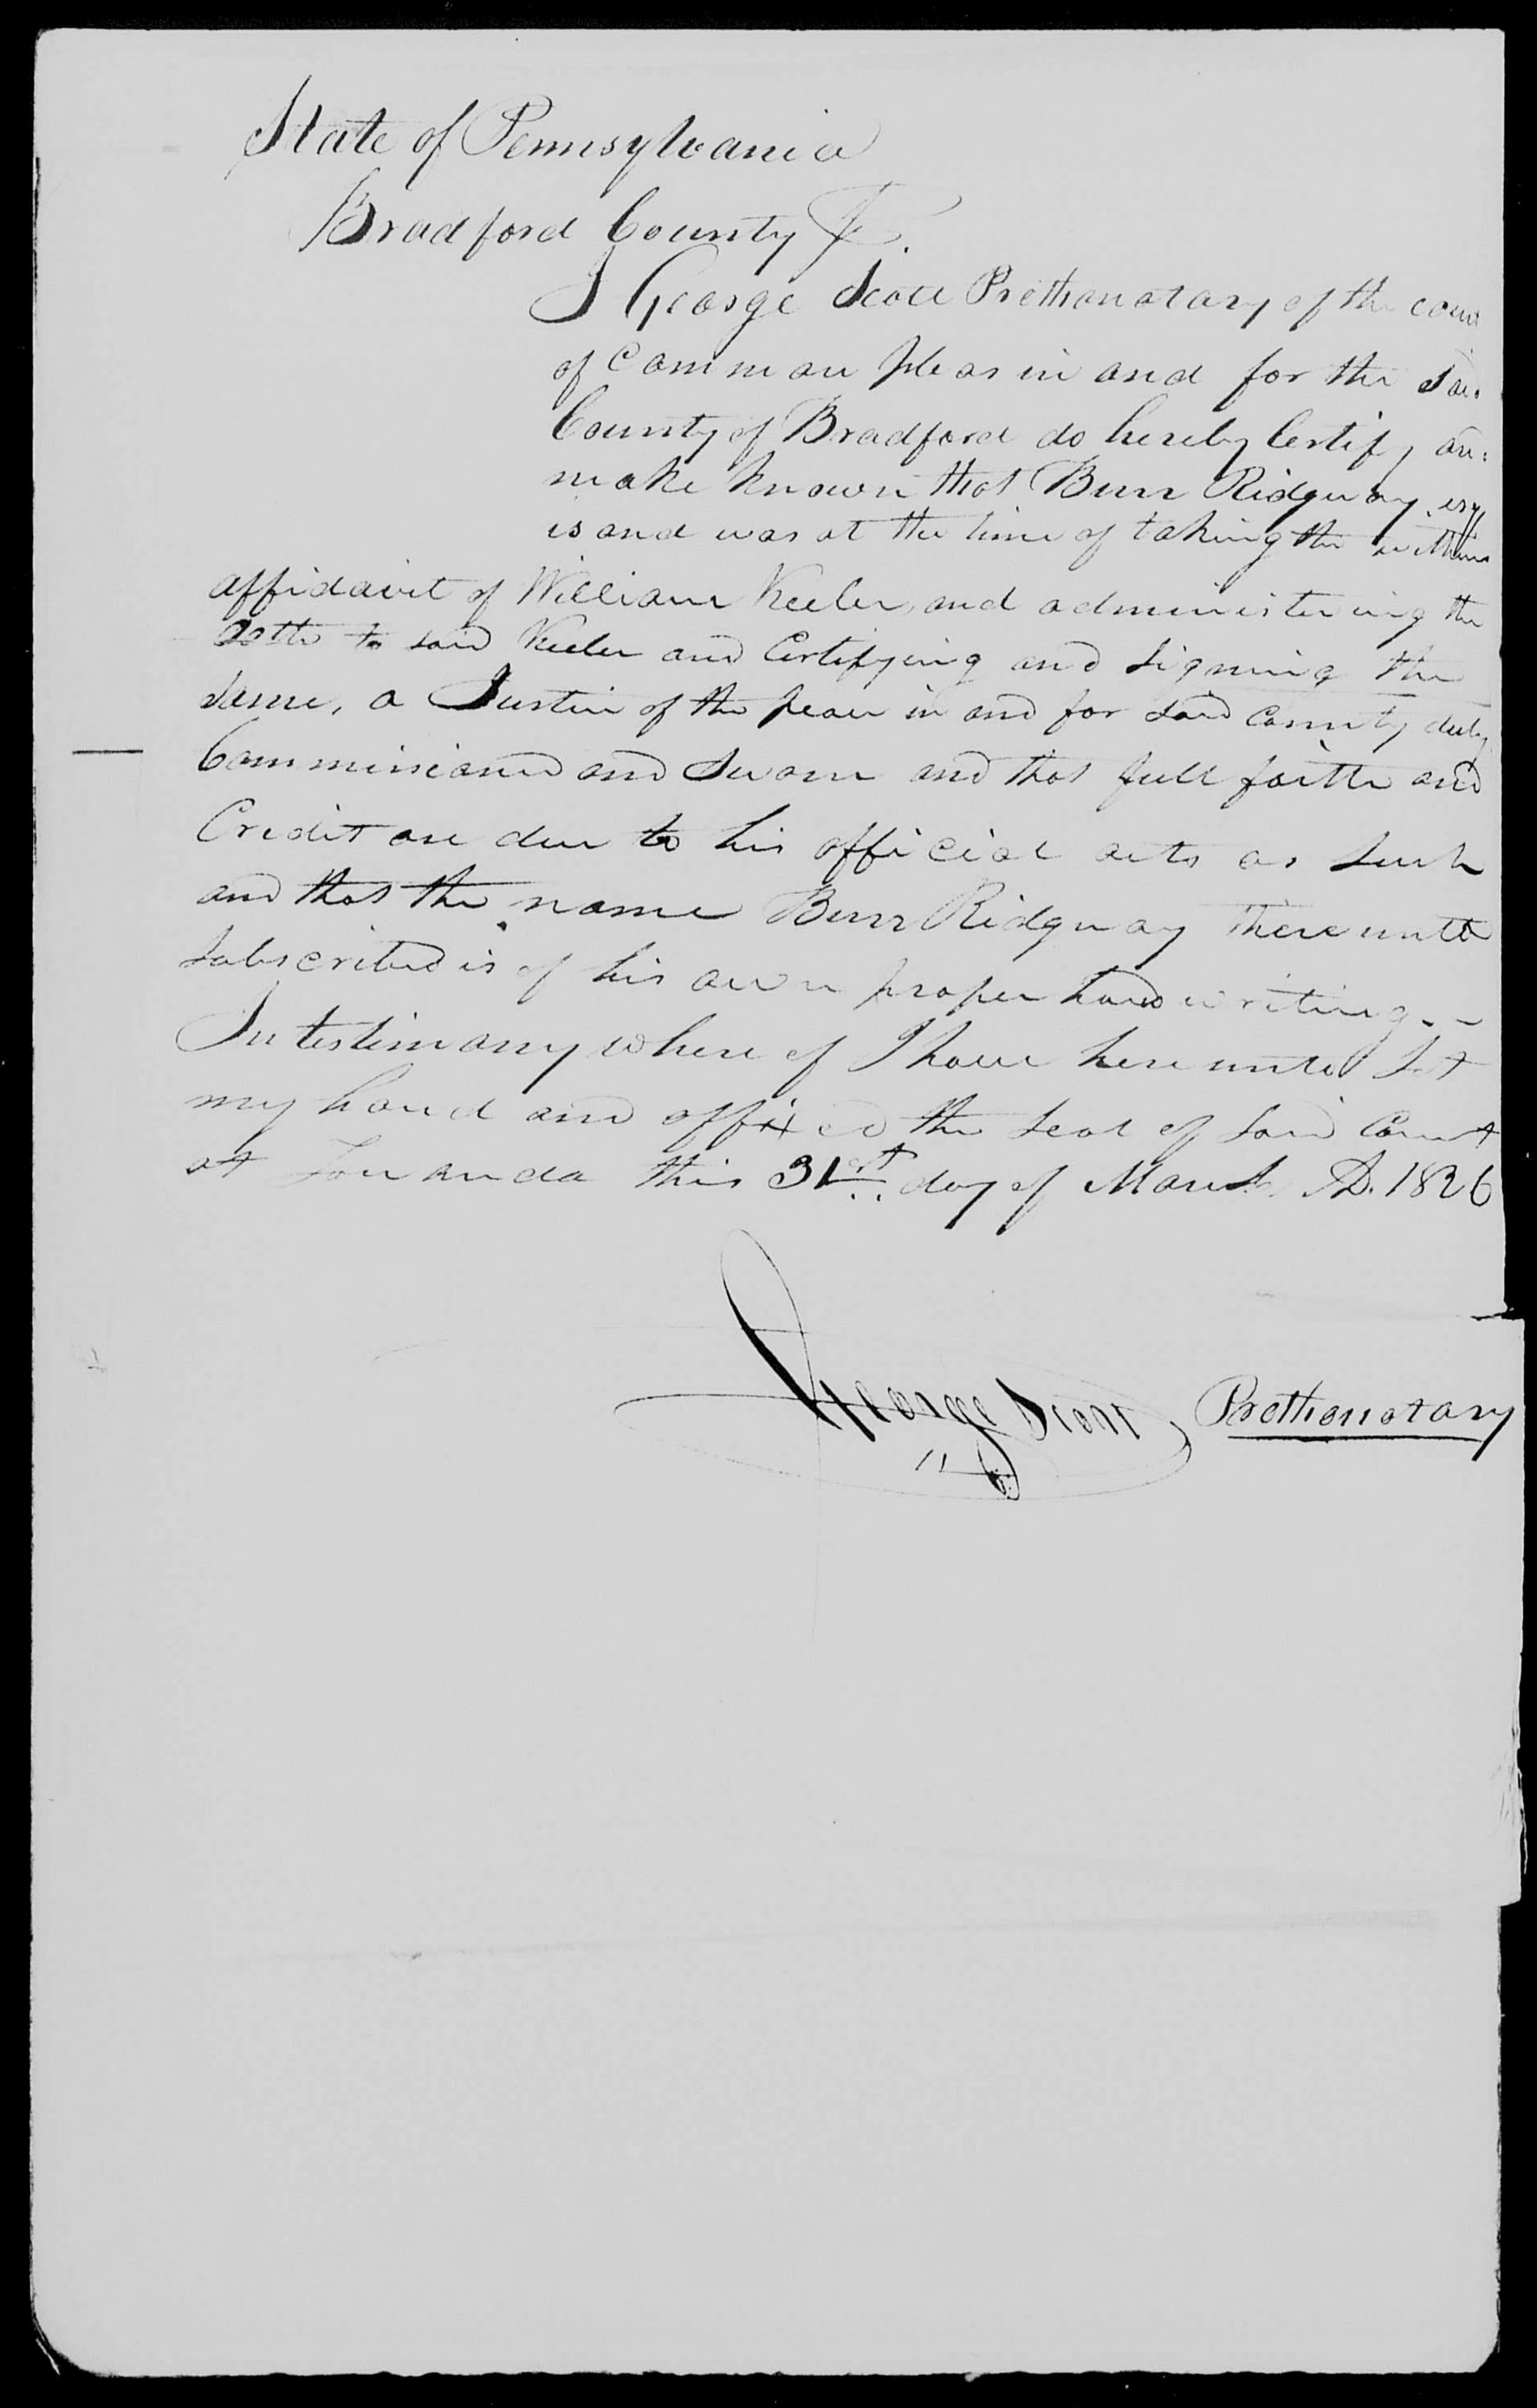State of Pennsylvania
Bradford County ss.
I George Scott Prothonotary of the court  of Common pleas in and for the said County of Bradford do hereby certify and make known that Burr Ridgway esq. is and was at the time of taking the within affidavit of William Keeler, and administering the oath to said Keeler and certifying and signing the same, a Justice of the peace in and for said County duly Commissioned and sworn and that full faith and Credit are due to his official acts as such and that the name Burr Ridgway thereunto  Subscribed is of his own proper hand writing.
In testimony where of I have hereunto set my hand and affixed the seal of said Court at Towanda this 31st day of March AD. 1826
[signed] George Scott   Prothonotary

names: Burr Ridgway, William Keeler, George Scott, George Scott, Burr Ridgway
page: 12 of 34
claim: survivor's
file: S. 39981, Judah Benjamin, Continental (N. H. And N. Y.)